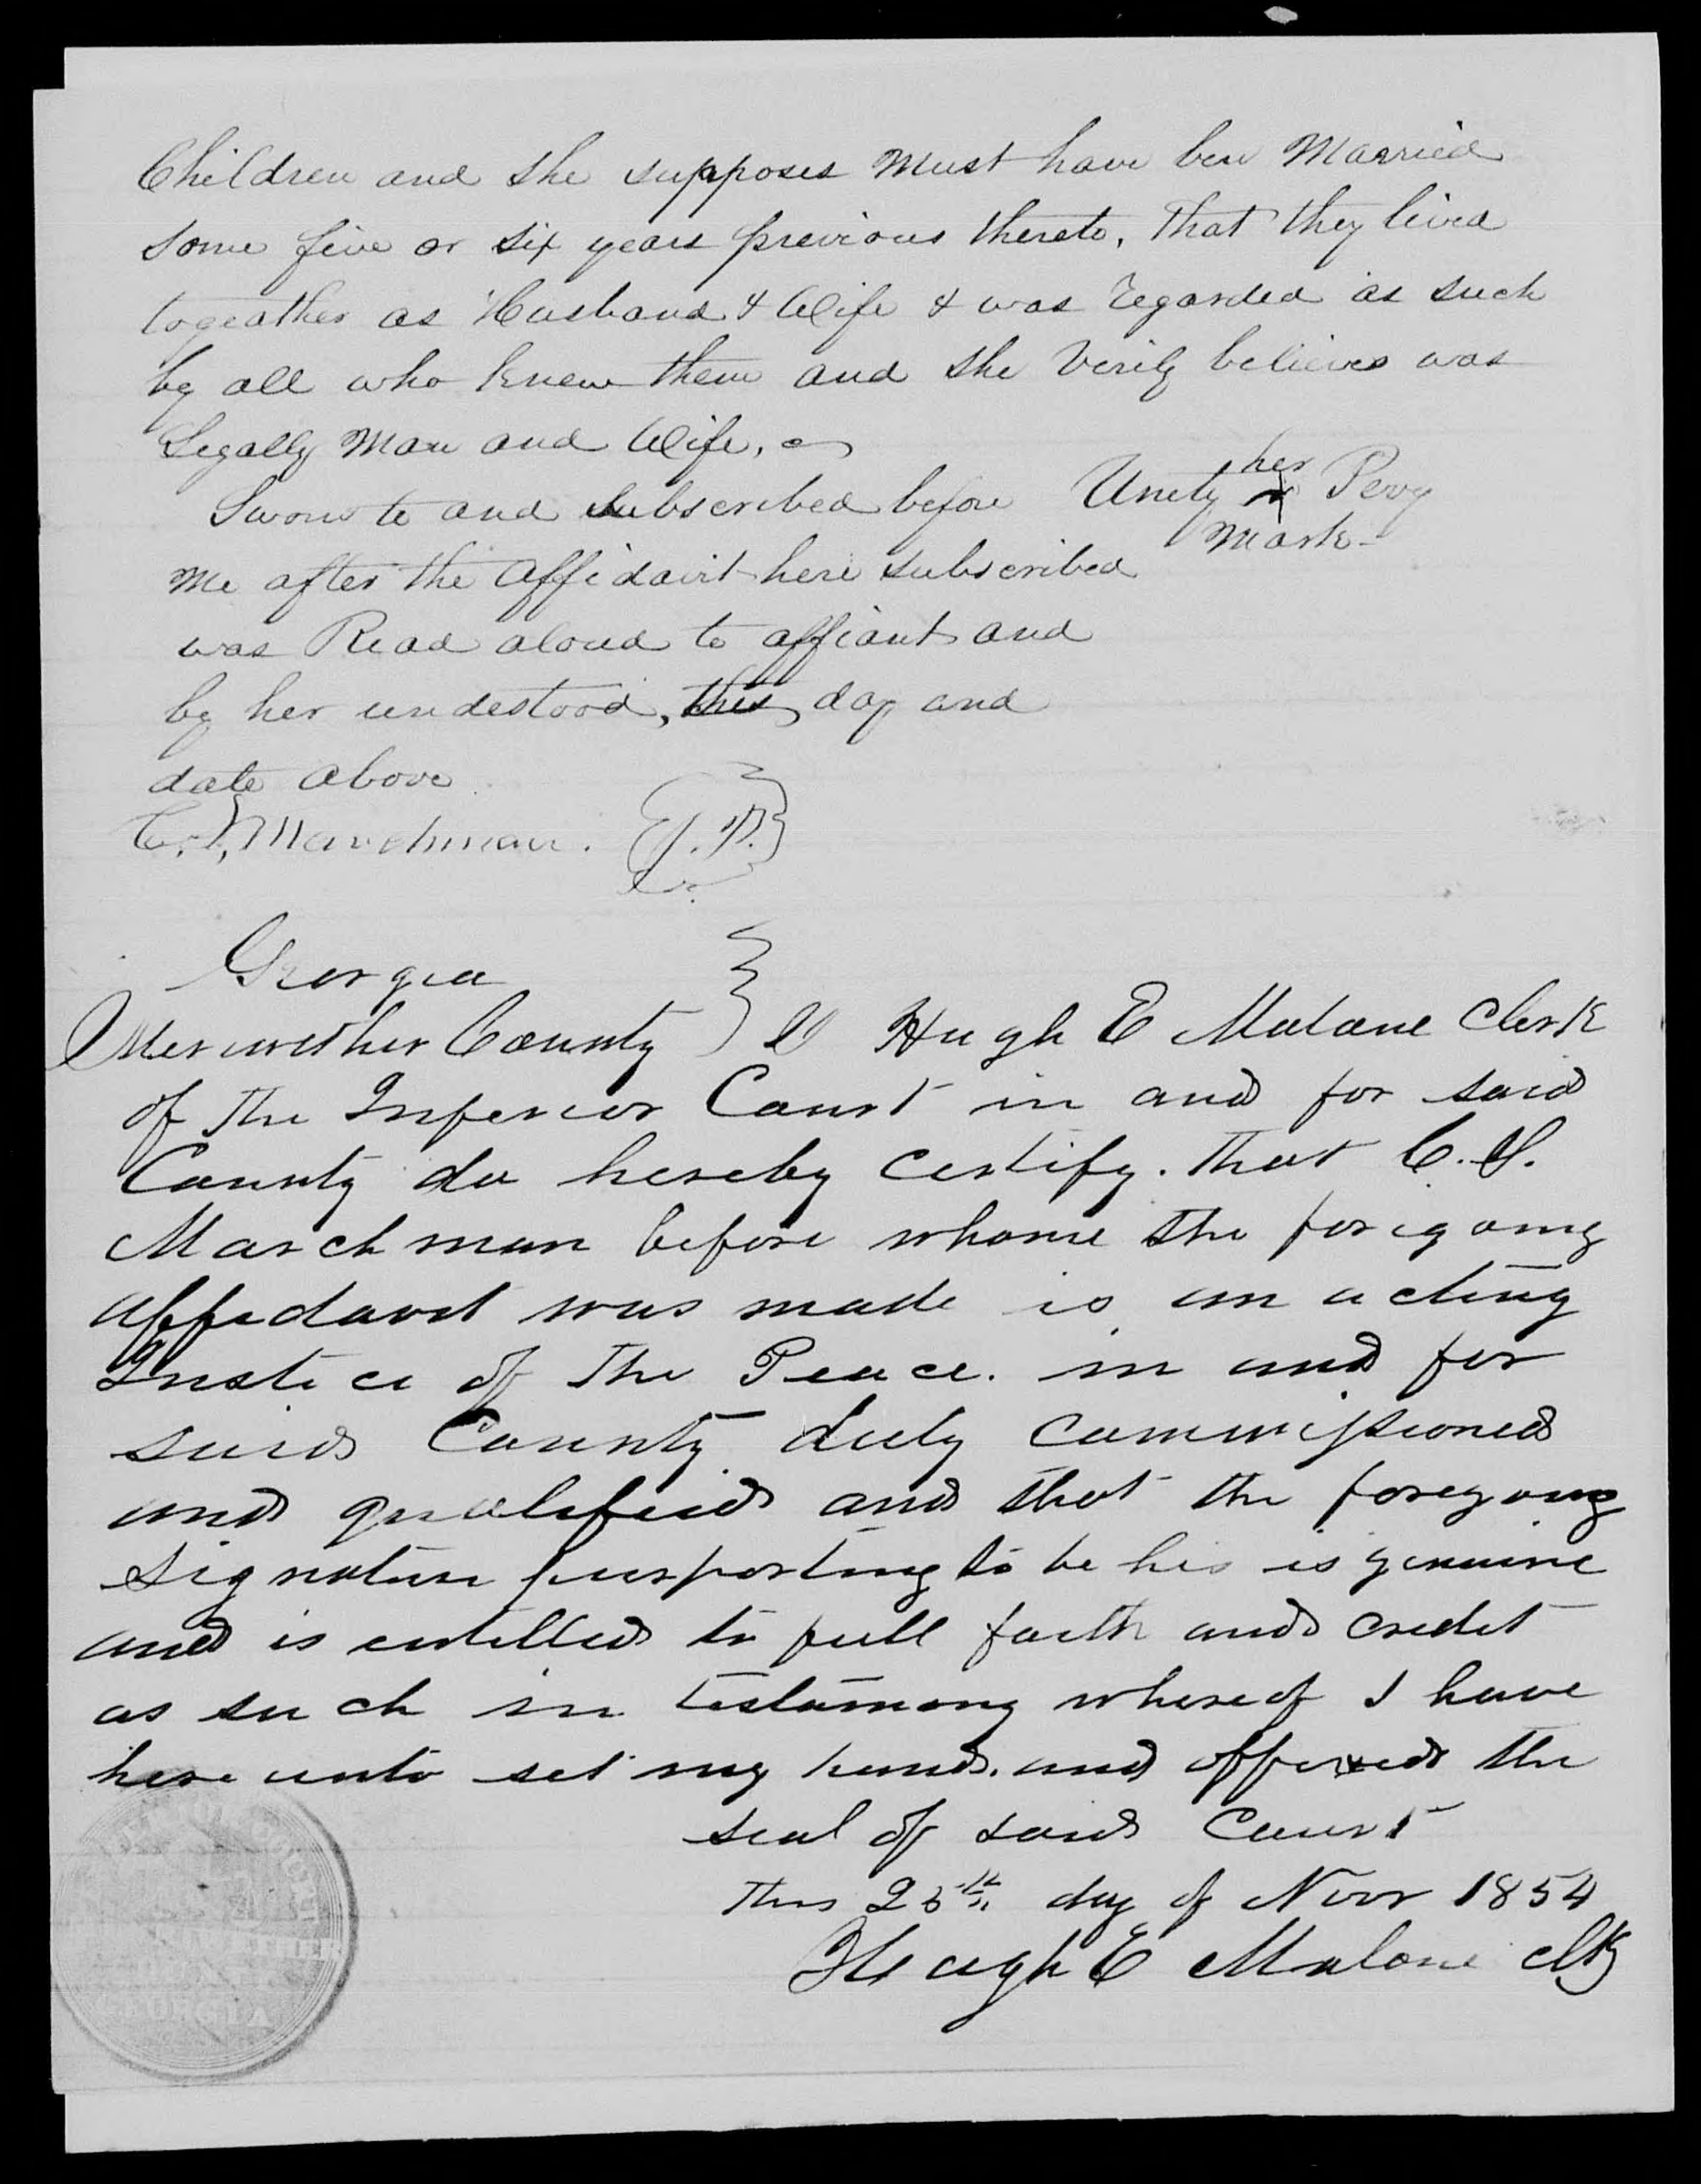Children and she supposes must have been married some five or six years previous thereto, that they lived togeather as Husband & wife & was regarded as such by all who knew them and she verily believes was Legally Man and Wife, 
Sworn to and subscribed before       Unity her X mark Pevy 
me after the affidavit here subscribed
was Read aloud to affiant and
by her understood, this day and
date above
C.S. Marchman J.P.

Georgia
Herewither County ⎬ I Hugh E Malane Clerk of the Inferior Court in and for said County do hereby certify that C.S. Marchman before whom the foregoing Affidavit was made is an acting
Justice of the Peace in and for said County duly commissioned
and qualified and that the foregoing signature purporting to be his is genuine and is entitled to full faith and credit such in testimony whereof I have hereunto set my hand and affixed the
seal of said Court this 25th day of Novr 1854
Hugh E. Malone clk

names: C S Marchman, Hugh E Malone, C S Marchman, Hugh E Malone, Unity Pevy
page: 31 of 63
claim: widow's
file: W. 4175, Joseph Davidson, N.C.